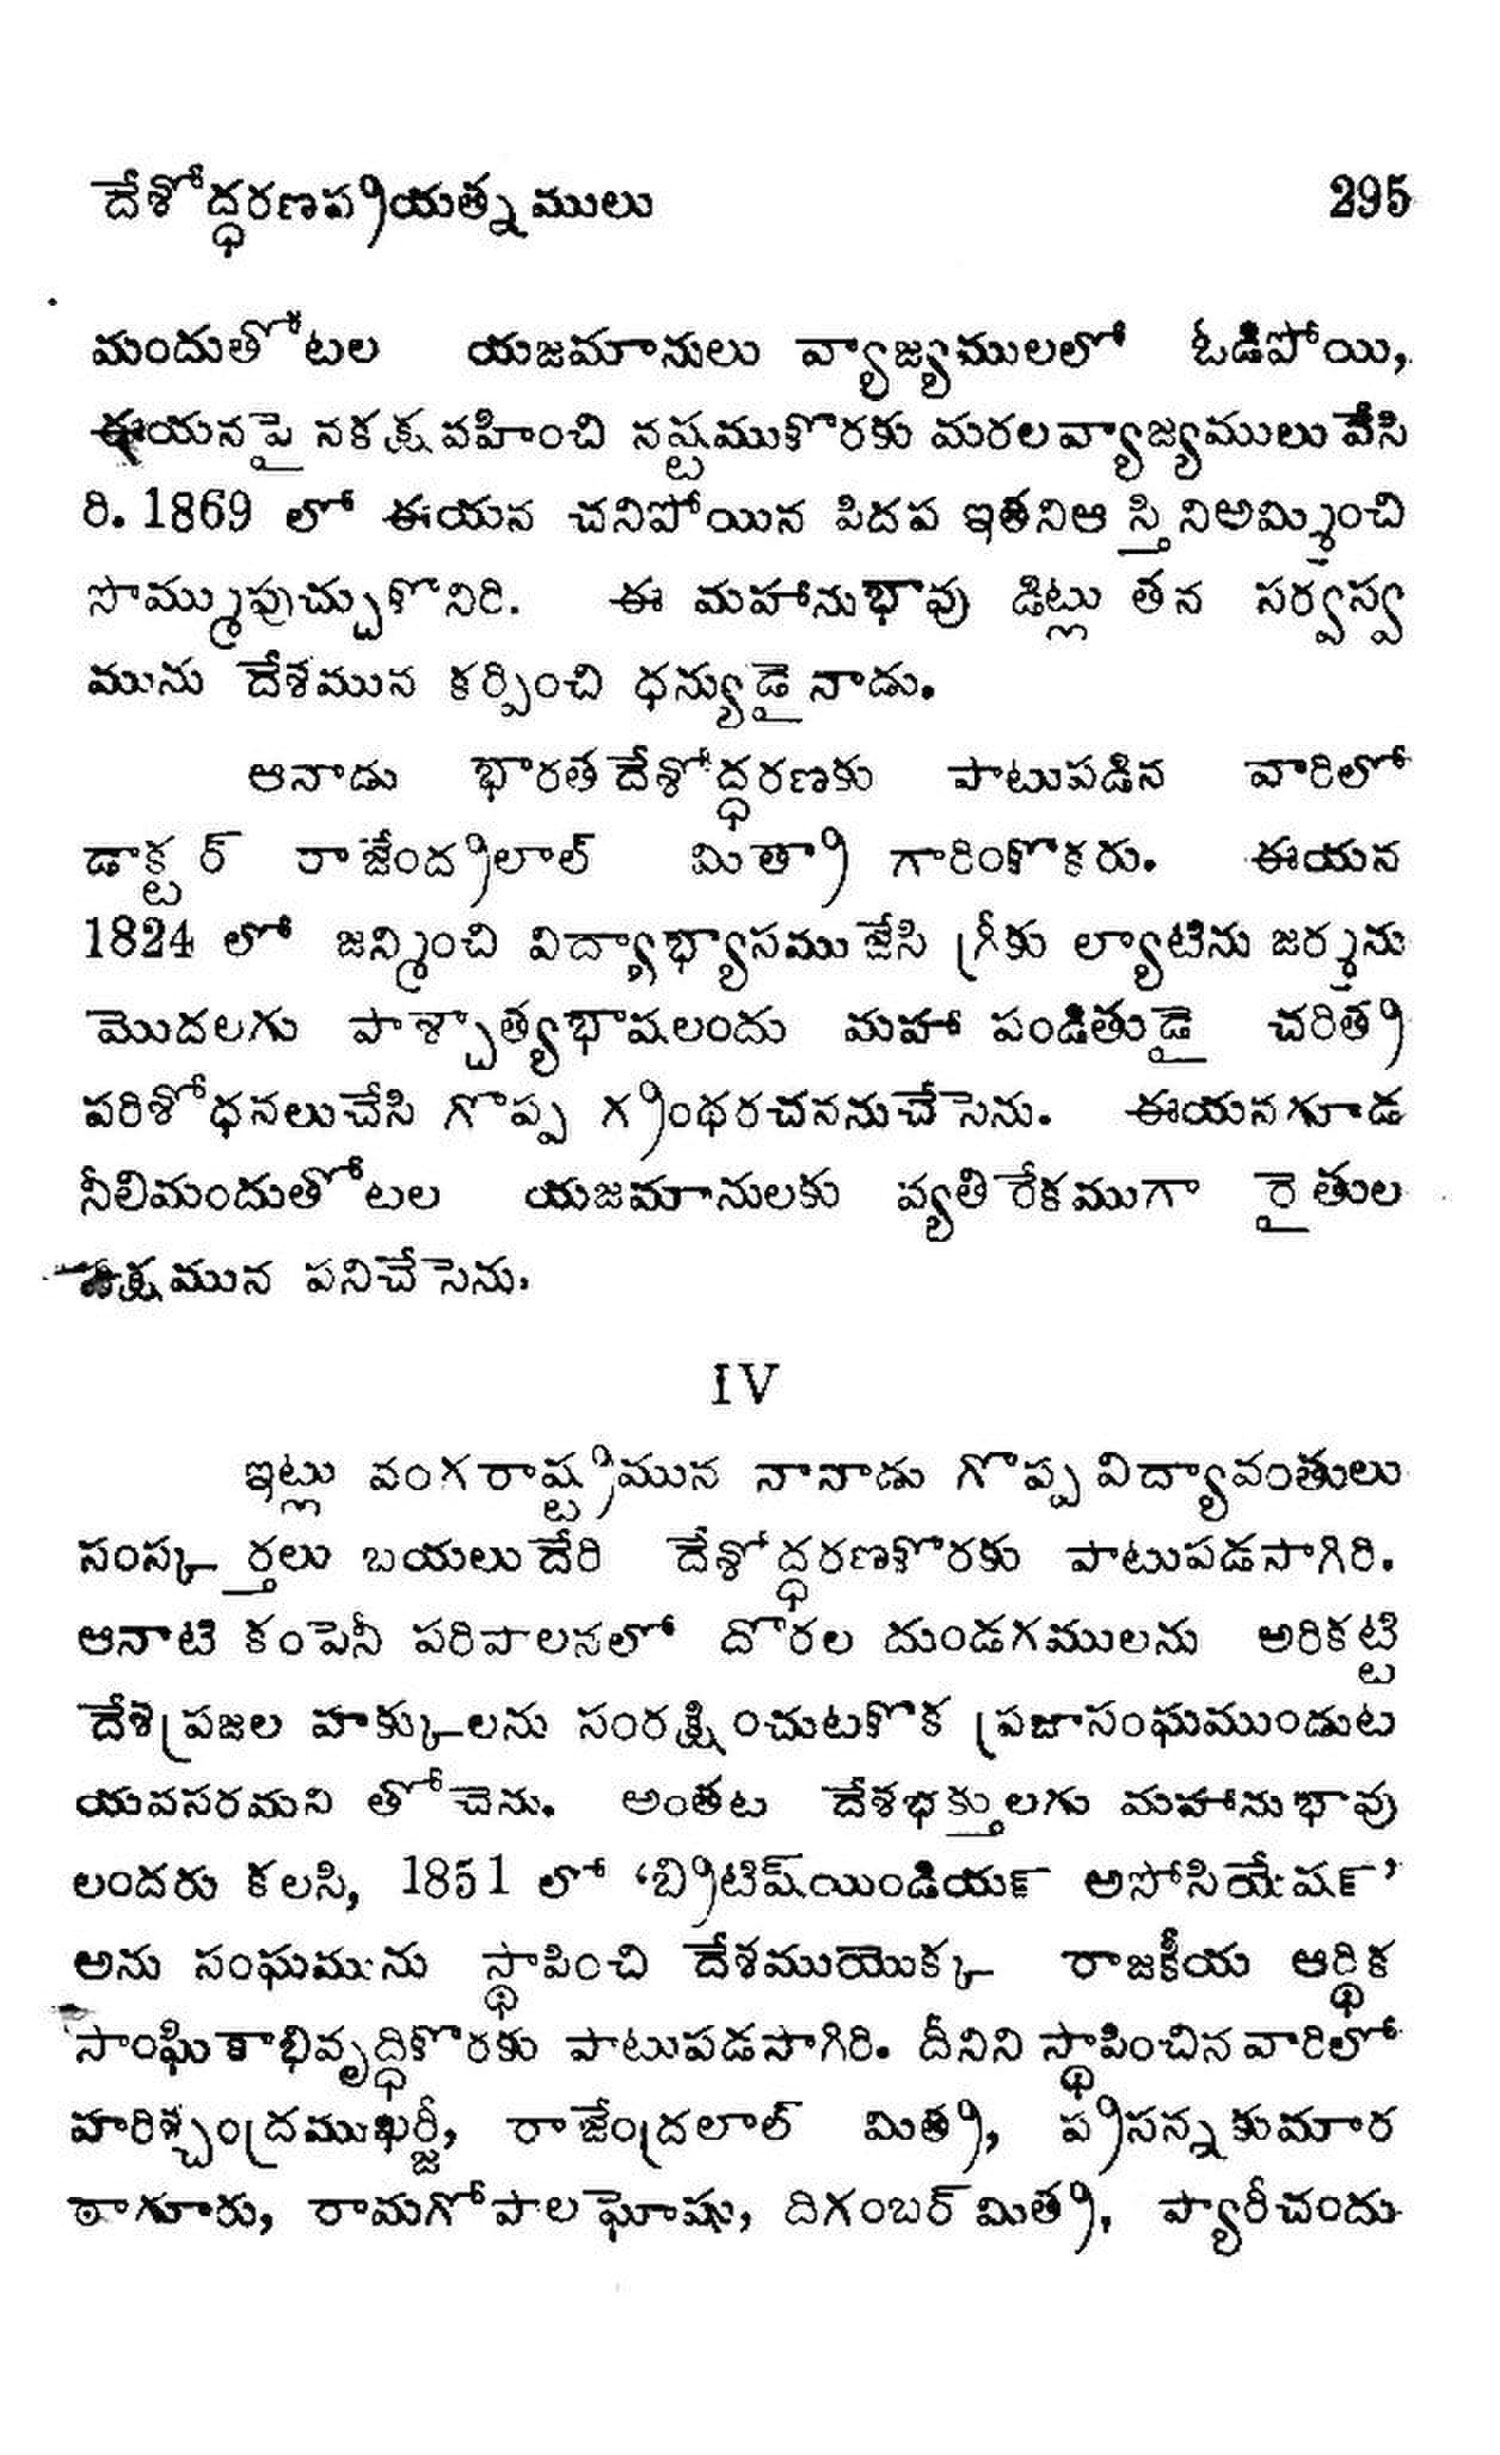మందుతోటల యజమానులు వ్యాజ్యములలో ఓడిపోయి, ఈయనపైనకక్షవహించి నష్టముకొరకు మరలవ్యాజ్యములు వేసిరి. 1869 లో ఈయన చనిపోయిన పిదప ఇతని ఆస్తినిఅమ్మించి సొమ్ముపుచ్చుకొనిరి. ఈ మహానుభావు డిట్లు తన సర్వస్వమును దేశమున కర్పించి ధన్యుడైనాడు.

ఆనాడు భారతదేశోద్ధరణకు పాటుపడిన వారిలో డాక్టర్ రాజేంద్రలాల్ మిత్రా గారింకొకరు. ఈయన 1824 లో జన్మించి విద్యాభ్యాసముజేసి గ్రీకు ల్యాటిను జర్మను మొదలగు పాశ్చాత్యభాషలందు మహా పండితుడై చరిత్ర పరిశోధనలుచేసి గొప్ప గ్రంథరచనను చేసెను. ఈయనగూడ నీలిమందుతోటల యజమానులకు వ్యతిరేకముగా రైతుల పక్షమున పనిచేసెను.

IV 

ఇట్లు వంగరాష్ట్రమున నానాడు గొప్పవిద్యావంతులు సంస్కర్తలు బయలుదేరి దేశోద్ధరణకొరకు పాటుపడసాగిరి. ఆనాటి కంపెనీ పరిపాలనలో దొరల దుండగములను అరికట్టి దేశప్రజల హక్కులను సంరక్షించుటకొక ప్రజాసంఘముండుట యవసరమని తోచెను. అంతట దేశభక్తులగు మహానుభావు లందరు కలసి, 1851 లో 'బ్రిటిష్ యిండియ౯ అసోసియేష౯' అను సంఘమును స్థాపించి దేశముయొక్క రాజకీయ ఆర్థిక సాంఘికాభివృద్ధికొరకు పాటుపడసాగిరి. దీనిని స్థాపించిన వారిలో హరిశ్చంద్రముఖర్జీ, రాజేంద్రలాల్ మిత్ర, ప్రసన్నకుమార ఠాగూరు, రామగోపాలఘోషు, దిగంబర్ మిత్ర, ప్యారీచందు